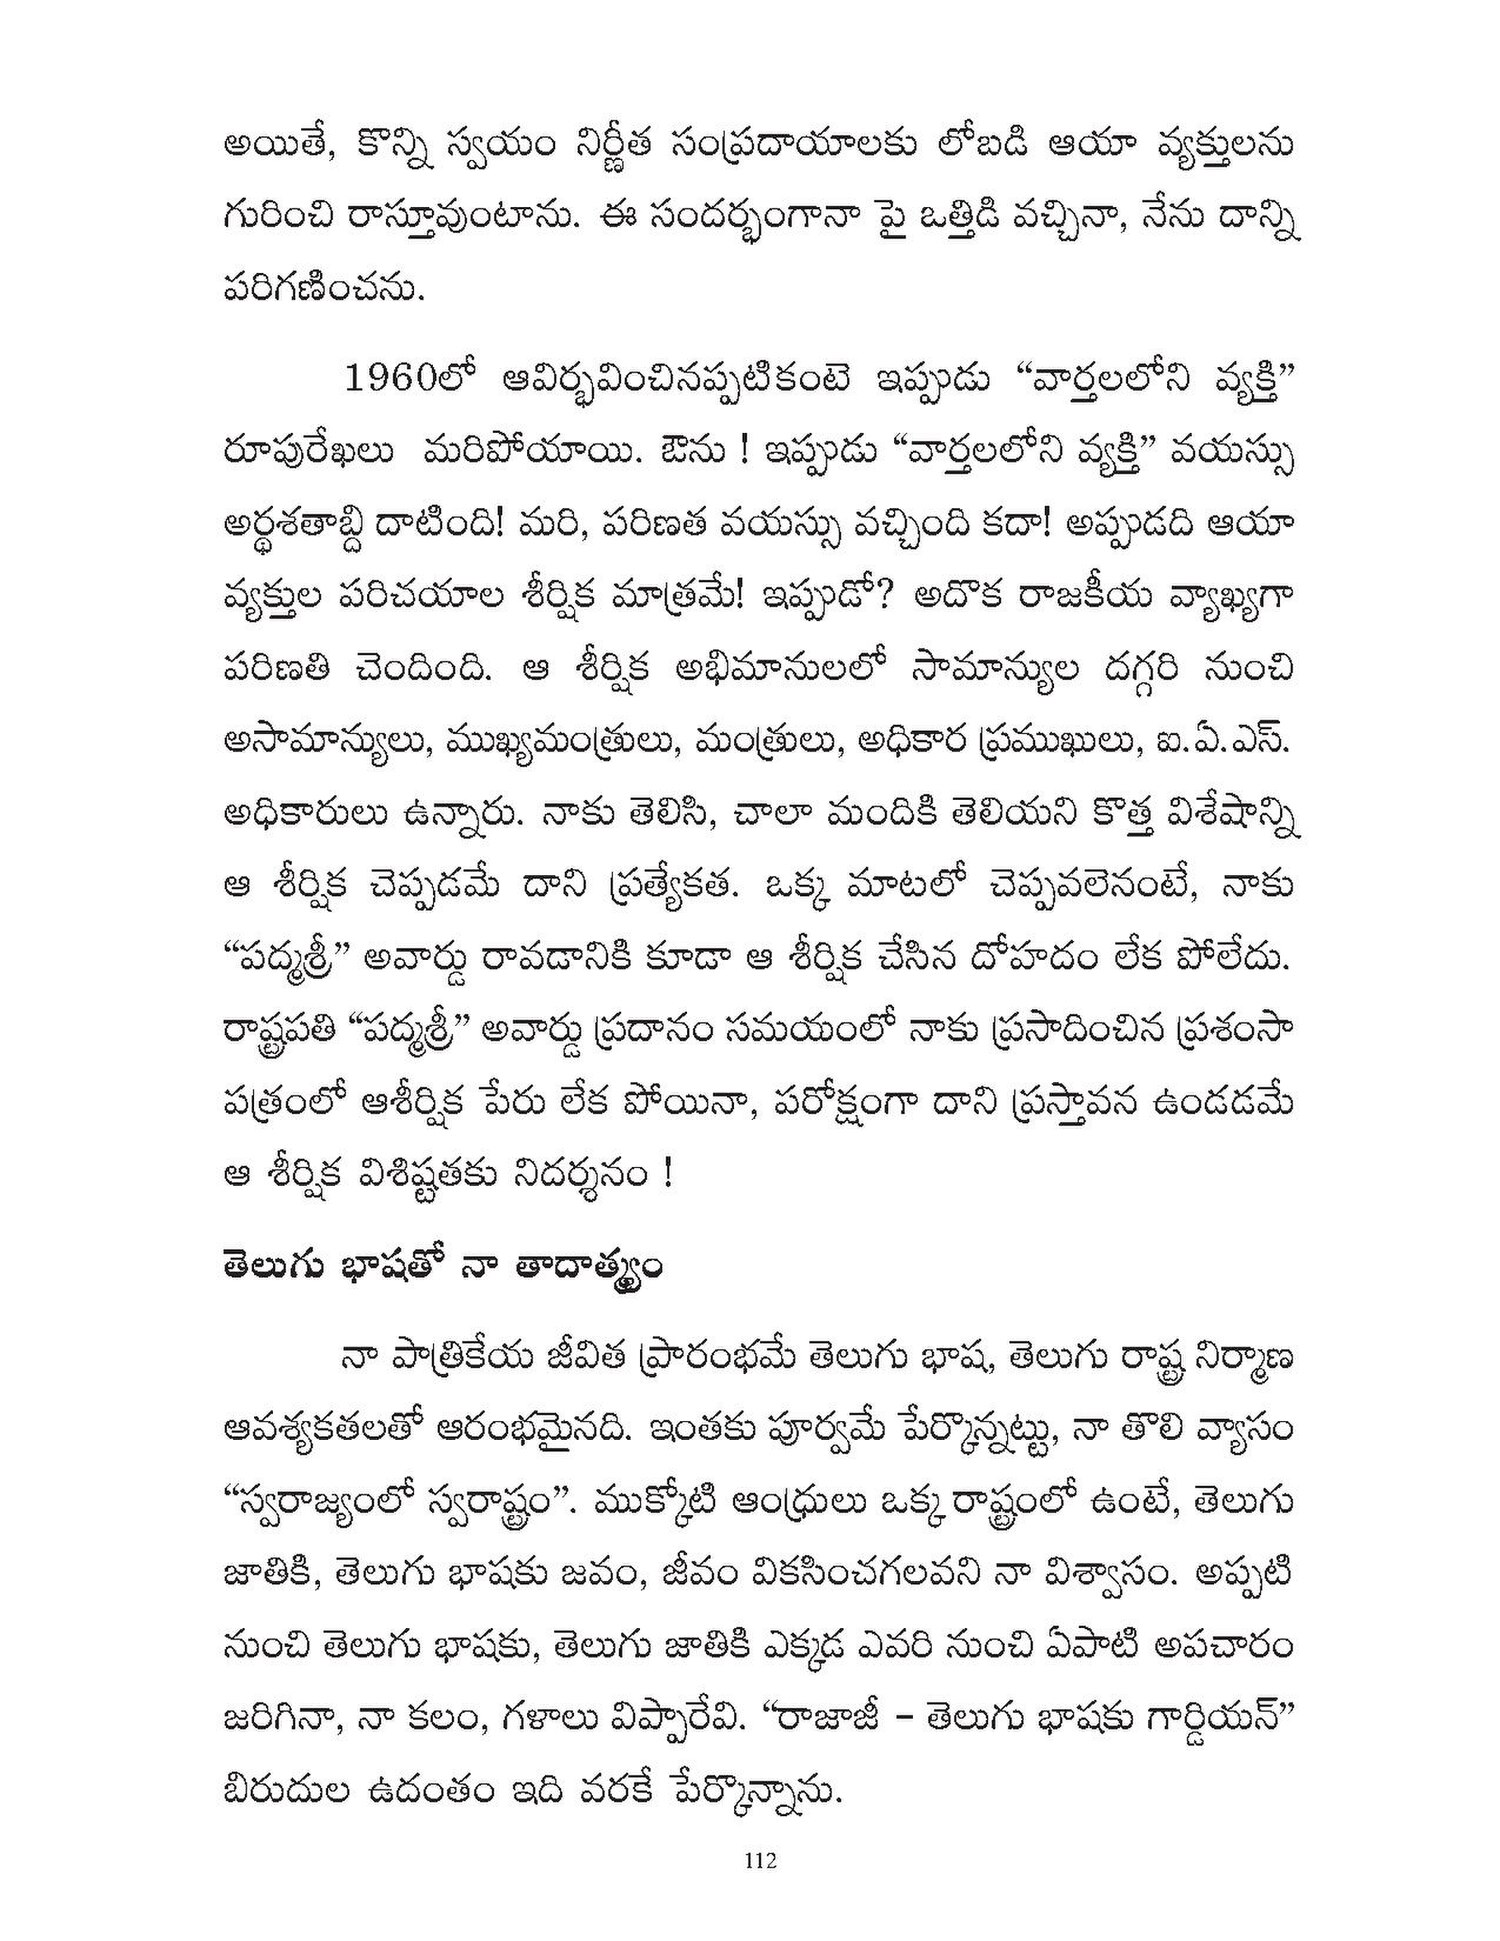అయితే, కొన్ని స్వయం నిర్ణీత సంప్రదాయాలకు లోబడి ఆయా వ్యక్తులను
గురించి రాస్తూవుంటాను. ఈ సందర్భంగానా పై ఒత్తిడి వచ్చినా, నేను దాన్ని
పరిగణించను.

1960లో ఆవిర్భవించినప్పటికంటె ఇప్పుడు "వార్తలలోని వ్యక్తి"
రూపురేఖలు మారిపోయాయి. ఔను ! ఇప్పుడు "వార్తలలోని వ్యక్తి" వయస్సు
అర్థశతాబ్ది దాటింది! మరి, పరిణత వయస్సు వచ్చింది కదా! అప్పుడది ఆయా
వ్యక్తుల పరిచయాల శీర్షిక మాత్రమే! ఇప్పుడో? అదొక రాజకీయ వ్యాఖ్యగా
పరిణతి చెందింది. ఆ శీర్షిక అభిమానులలో సామాన్యుల దగ్గరి నుంచి
అసామాన్యులు, ముఖ్యమంత్రులు, మంత్రులు, అధికార ప్రముఖులు, ఐ.ఏ.ఎస్‌.
అధికారులు ఉన్నారు. నాకు తెలిసి, చాలా మందికి తెలియని కొత్త విశేషాన్ని
ఆ శీర్షిక చెప్పడమే దాని ప్రత్యేకత. ఒక్క మాటలో చెప్పవలెనంటే, నాకు
"పద్మశ్రీ" అవార్డు రావడానికి కూడా ఆ శీర్షిక చేసిన దోహదం లేక పోలేదు.
రాష్ట్రపతి "పద్మశ్రీ" అవార్డు ప్రదానం సమయంలో నాకు ప్రసాదించిన ప్రశంసా
పత్రంలో ఆశీర్షిక పేరు లేక పోయినా, పరోక్షంగా దాని ప్రస్తావన ఉండడమే
ఆ శీర్షిక విశిష్టతకు నిదర్శనం !

తెలుగు భాషతో నా తాదాత్మ్యం

నా పాత్రికేయ జీవిత ప్రారంభమే తెలుగు భాష, తెలుగు రాష్ట్ర నిర్మాణ
ఆవశ్యకతలతో ఆరంభమైనది. ఇంతకు పూర్వమే పేర్కొన్నట్టు, నా తొలి వ్యాసం
"స్వరాజ్యంలో స్వరాష్ట్రం". ముక్కోటి ఆంధ్రులు ఒక్క రాష్ట్రంలో ఉంటే, తెలుగు
జాతికి, తెలుగు భాషకు జవం, జీవం వికసించగలవని నా విశ్వాసం. అప్పటి
నుంచి తెలుగు భాషకు, తెలుగు జాతికి ఎక్కడ ఎవరి నుంచి ఏపాటి అపచారం
జరిగినా, నా కలం, గళాలు విప్పారేవి. "రాజాజీ - తెలుగు భాషకు గార్డియన్‌"
బిరుదుల ఉదంతం ఇది వరకే పేర్కొన్నాను.